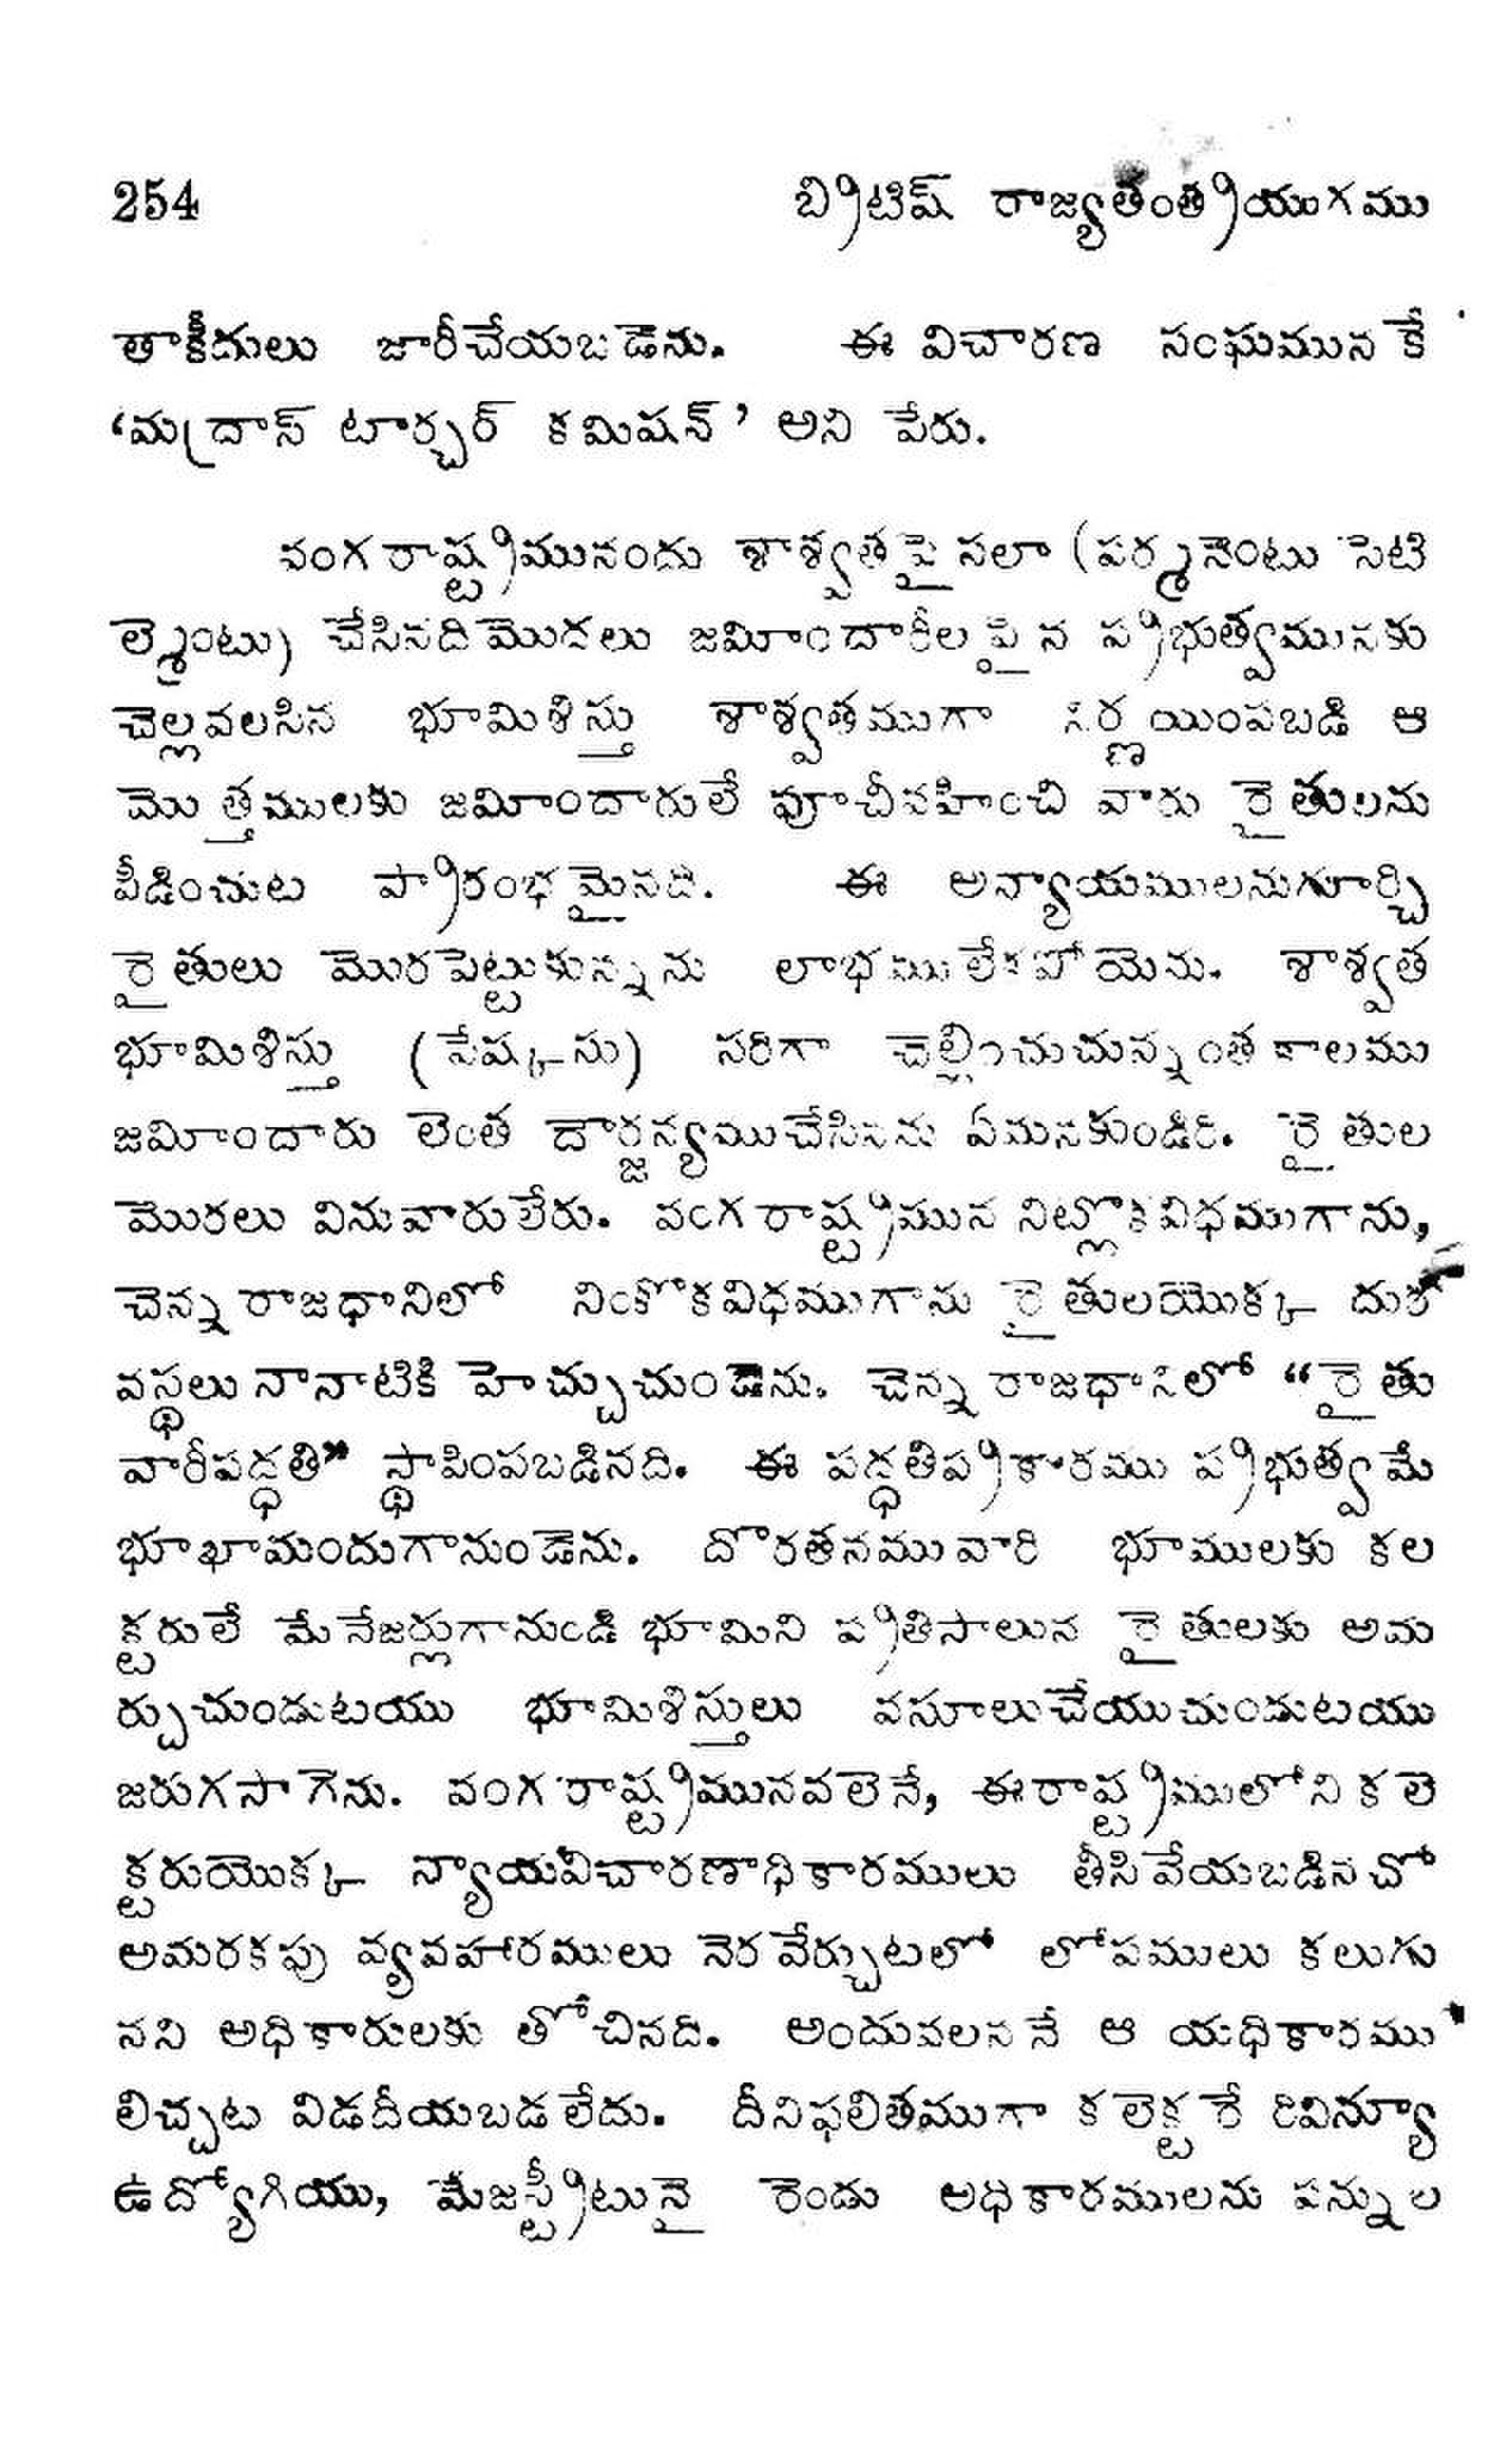తాకీదులు జారీచేయబడెను. ఈ విచారణ సంఘమున కే 'మద్రాస్ టార్చర్ కమిషన్' అని పేరు.

వంగరాష్ట్రమునందు శాశ్వతపైసలా (పర్మనెంటు “సెటిల్మెంటు) చేసినదిమొదలు జమీందారీలపైన ప్రభుత్వమునకు చెల్లవలసిన భూమిశిస్తు శాశ్వతముగా నిర్ణయింపబడి ఆమొత్తములకు జమీందారులే పూచీ వహించి వారు రైతులను పీడించుట ప్రారంభమైనది. ఈ అన్యాయములను గూర్చి రైతులు మొరపెట్టుకున్నను లాభములేకపోయెను. శాశ్వత భూమిశిస్తు (పేష్కసు) సరిగా చెల్లించుచున్నంతకాలము జమీందారు లెంత దౌర్జన్యముచేసినను ఏమనకుండిరి. రైతుల
మొరలు వినువారులేరు. వంగరాష్ట్రమున నిట్లొకవిధముగాను, చెన్న రాజధానిలో నింకొకవిధముగాను రైతులయొక్క దురవస్థలు నానాటికి హెచ్చుచుండెను. చెన్న రాజధానిలో “రైతువారీపద్ధతి" స్థాపింపబడినది. ఈ పద్దతిప్రకారము ప్రభుత్వమే భూఖామందుగానుండెను. దొరతనమువారి భూములకు కలక్టరులే మేనేజర్లుగా నుండి భూమిని ప్రతిసాలున రైతులకు అమర్చుచుండుటయు భూమిశిస్తులు వసూలు చేయుచుండుటయు జరుగసాగెను. వంగరాష్ట్రమునవలెనే, ఈరాష్ట్రములోని కలెక్టరుయొక్క న్యాయవిచారణాధికారములు తీసివేయబడినచో అమరకపు వ్యవహారములు నెరవేర్చుటలో లోపములు కలుగునని అధికారులకు తోచినది. అందువలననే ఆ యధికారము లిచ్చట విడదీయబడలేదు. దీనిఫలితముగా కలెక్టరే రివిన్యూ ఉద్యోగియు, మేజస్ట్రీటునై రెండు అధికారములను పన్నుల